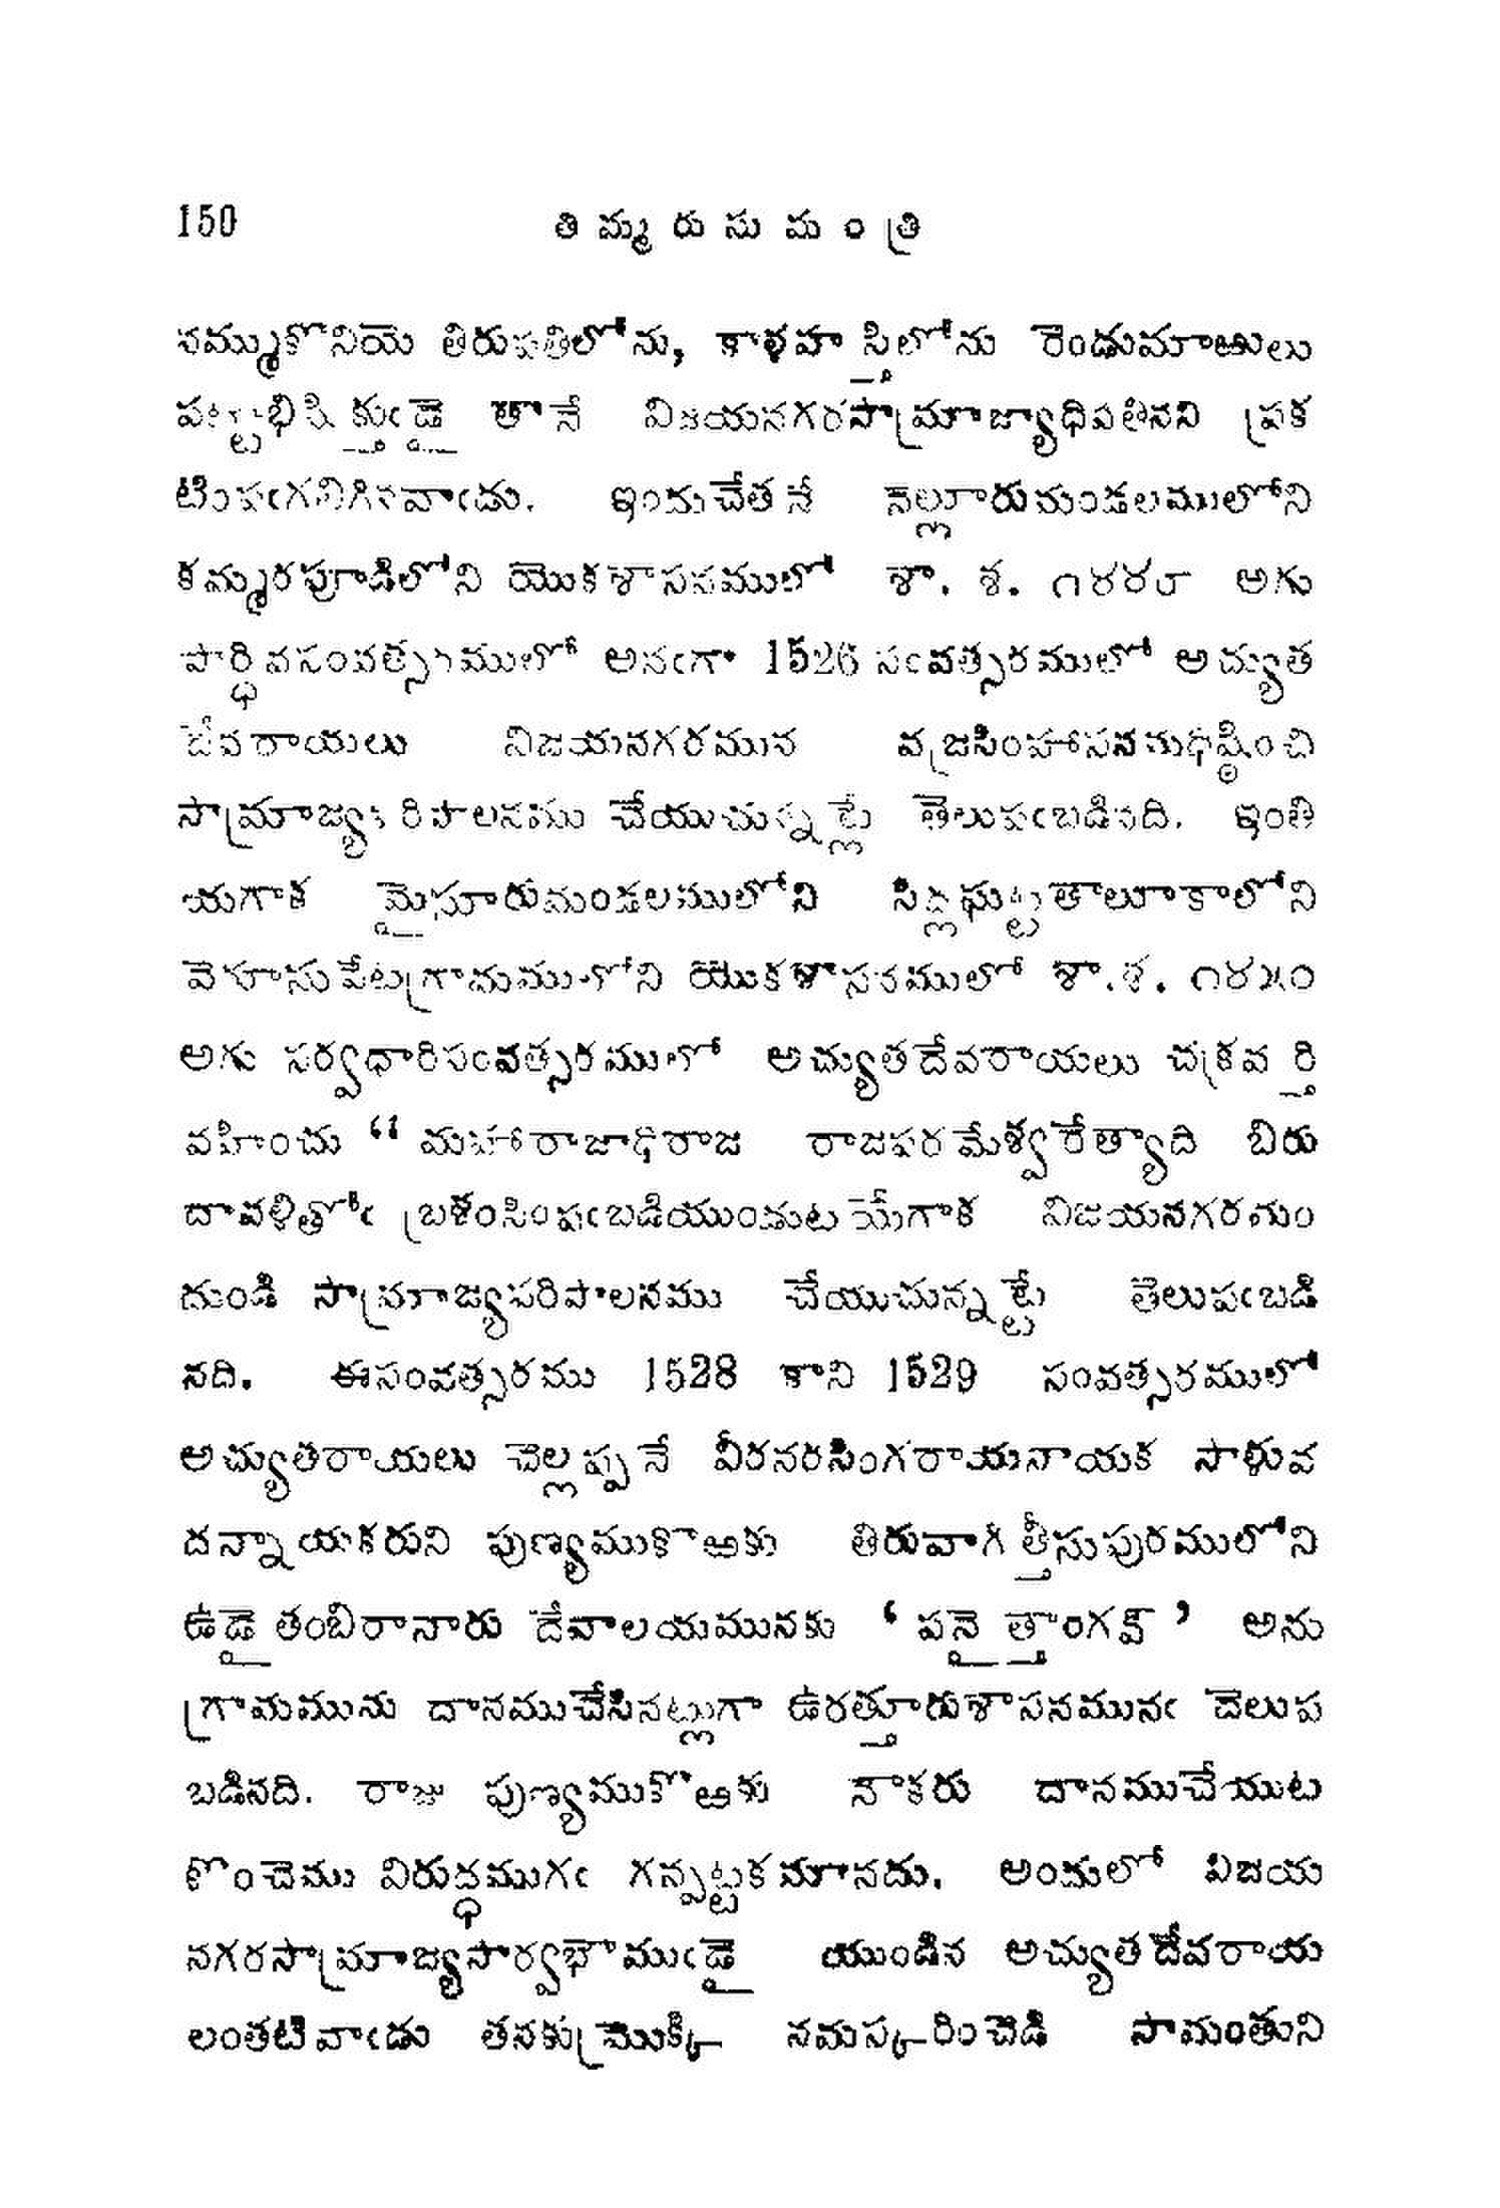నమ్ముకొనియె తిరుపతిలోను, కాళహస్తిలోను రెండుమాఱులు పట్టాభిషిక్తుఁడై తానే విజయనగరసామ్రాజ్యాధిపతినని ప్రకటింపఁగలిగినవాఁడు. ఇందుచేతనే నెల్లూరుమండలములోని కమ్మరపూడిలోని యొకశాసనములో శా. శ. 1448 అగు పార్ధివసంవత్సరములో అనఁగా 1526 సంవత్సరములో అచ్యుతదేవరాయలు విజయనగరమున వజ్రసింహాసనమధిష్ఠించి సామ్రాజ్యపరిపాలనము చేయుచున్నట్లే తెలుపఁబడినది. ఇంతియగాక మైసూరుమండలములోని సిద్లఘట్టతాలూకాలోని వెరూసుపేటగ్రామములోని యొకశాసనములో శా.శ. 1450 అగు సర్వధారిసంవత్సరములో అచ్యుతదేవరాయలు చక్రవర్తివహించు "మహారాజాధిరాజ రాజపరమేశ్వరేత్యాది బిరుదావళితోఁ బ్రంసింపఁబడియుండుటయేగాక విజయనగరమందుండి సామ్రాజ్యపరిపాలనము చేయుచున్నటే తెలుపఁబడినది. ఈసంవత్సరము 1528 కాని 1529 సంవత్సరములో అచ్యుతరాయలు చెల్లప్పనే వీరనరసింగరాయనాయక సాళువ దన్నాయకరుని పుణ్యముకొఱకు తిరువాగిత్తీసుపురములోని ఉడైతంబిరానారు దేవాలయమునకు "పనైత్తాంగవ్ " అను గ్రామమును దానము చేసినట్లుగా ఉరత్తూరుశాసనమునఁ దెలుపబడినది. రాజు పుణ్యముకొఱకు నౌకరు దానముచేయుట కొంచెము విరుద్దముగఁ గన్పట్టకమానదు. అందులో విజయనగరసామ్రాజ్యసార్వభౌముఁడై యుండిన అచ్యుతదేవరాయలంతటివాఁడు తనకుమ్రొక్కి నమస్కరించెడి సామంతుని